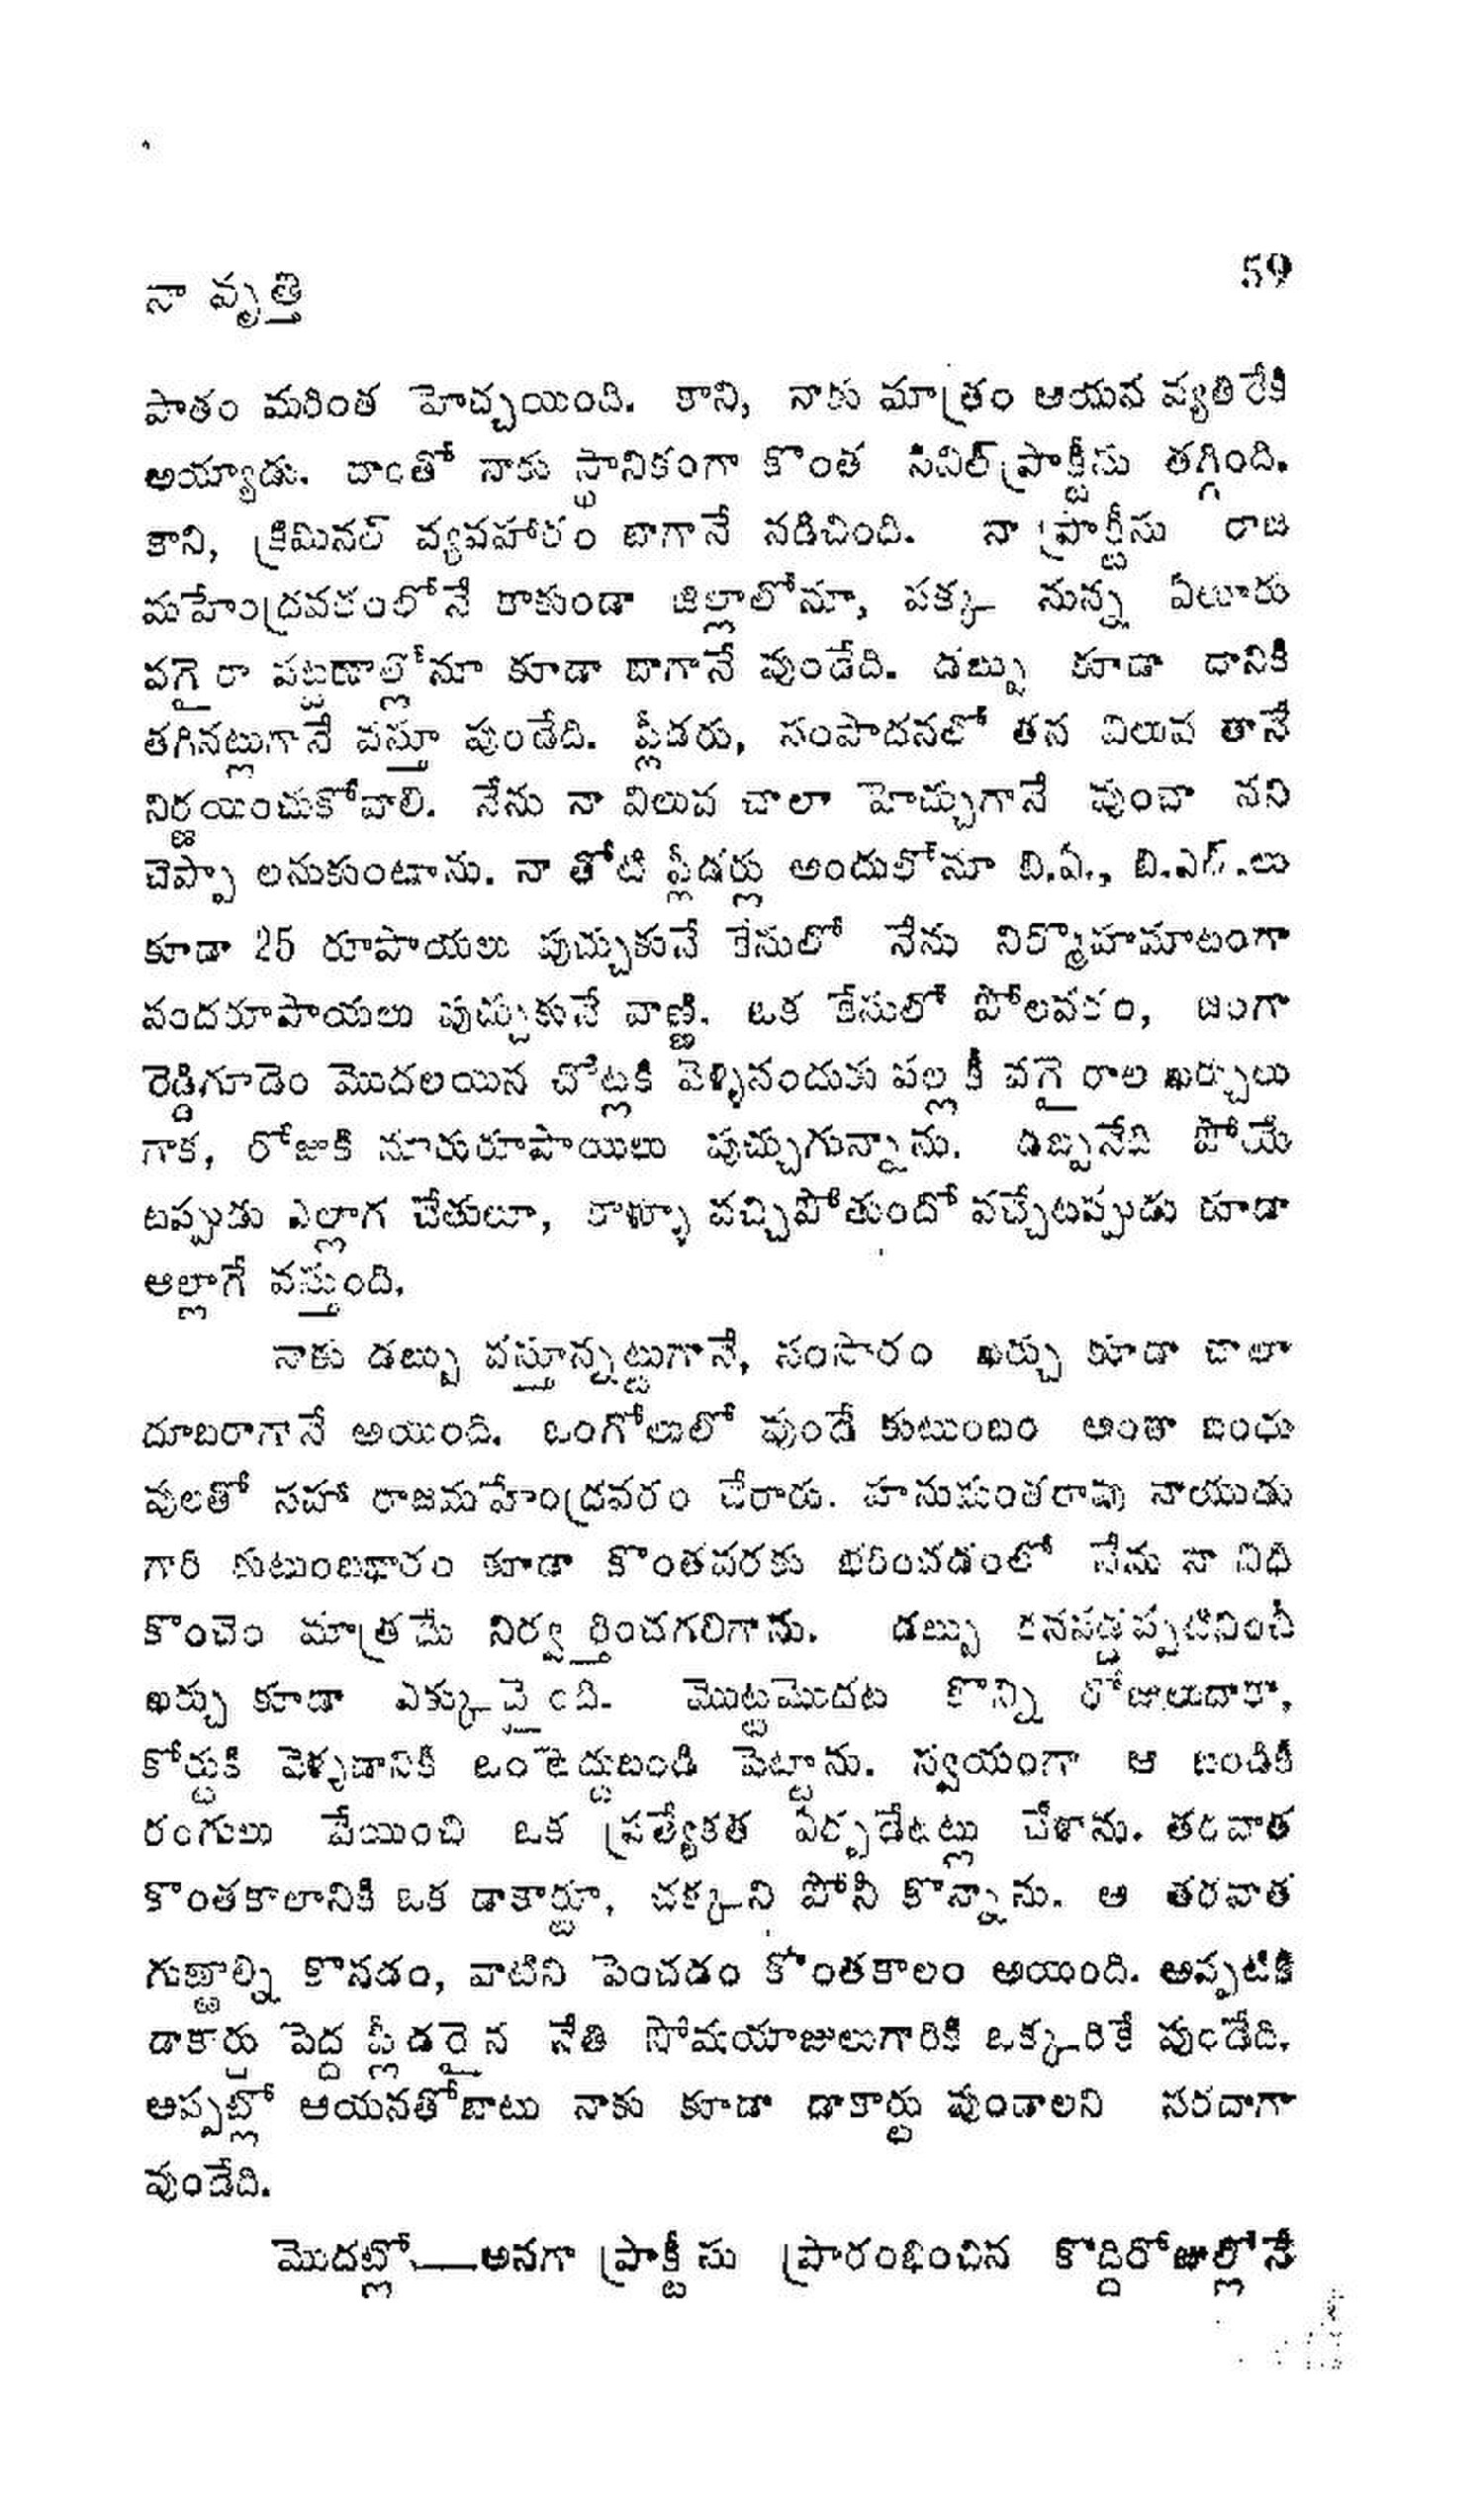పాతం మరింత హెచ్చయింది, కాని, నాకు మాత్రం ఆయన వ్యతిరేకి అయ్యాడు. దాంతో నాకు స్థానికంగా కొంత సివిల్ ప్రాక్టీసు తగ్గింది. కాని, క్రిమినల్ వ్యవహారం బాగానే నడిచింది. నా ప్రాక్టీసు రాజమహేంద్రవరంలోనే కాకుండా జిల్లాలోనూ, పక్క నున్న ఏలూరు వగైరా పట్టణాల్లోనూ కూడా బాగానే వుండేది. డబ్బు కూడా దానికి తగినట్టుగానే వస్తూ వుండేది. ప్లీడర్లు, సంపాదనలో తన విలువ తానే నిర్ణయించుకోవాలి. నేను నా విలువ చాలా హెచ్చుగానే వుంచానని చెప్పాలనుకుంటాను. నా తోటి ప్లీడర్లు అందులోనూ బి.ఏ., బి.ఎల్.లు కూడా 25 రూపాయలు పుచ్చుకునే కేసులో నేను నిర్మొహమాటంగా వందరూపాయలు పుచ్చుకునేవాణ్ణి. ఒక కేసులో పోలవరం, జంగారెడ్డిగూడెం మొదలైన చోట్లకి వెళ్ళినందుకు పల్లకీ వగైరా ఖర్చులు గాక, రోజకి నూరురూపాయలు పుచ్చుగున్నాను. డబ్బనేది పోయేటప్పుడు ఎల్లాగ చేతులూ, కాళ్ళూ వచ్చిపోతుందో వచ్చేప్పుడు కూడా అలాగే వస్తుంది.

నాకు డబ్బు వస్తున్నట్టుగానే, సంసారం ఖర్చు కూడా చాలా దుబారాగానే అయింది. ఒంగోలులో వుండే కుటుంబం అంతా బంధువులతో సహా రాజమహేంద్రవరం చేరారు. హనుమంతరావు నాయుడుగారి కుటుంబభారం కూడా కొంతవరకు భరించడంలో నేను నా విధి కొంచెం మాత్రమే నిర్వర్తించగలిగాను. డబ్బు కనపడ్డప్పటినుంచీ ఖర్చు కూడా ఎక్కువైంది. మొట్టమొదట కొన్ని రోజులదాకా కోర్టుకు వెళ్ళడానికి ఒంటెద్దుబండి పెట్టాను. స్వయంగా ఆ బండికి రంగులు వేయించి ఒక ప్రత్యేకత ఏర్పడేటట్లు చేశాను. తరవాత కొంతకాలానికి ఒక డాకార్టూ, చక్కని పోనీ కొన్నాను. ఆ తర్వాత గుఱ్ఱాల్ని కొనడం, వాటిని పెంచడం కొంతకాలం అయింది. అప్పటికి డాకార్టు పెద్ద ప్లీడర్లైన నేతి సోమయాజులుగారికి ఒక్కరికే వుండేది. అప్పట్లో ఆయనతోబాటు నాకు కూడా డాకార్టు వుండాలని సరదాగా వుండేది.

మొదట్లో-అనగా ప్రాక్టీసు ప్రారంభించిన కొద్దిరోజుల్లోనే